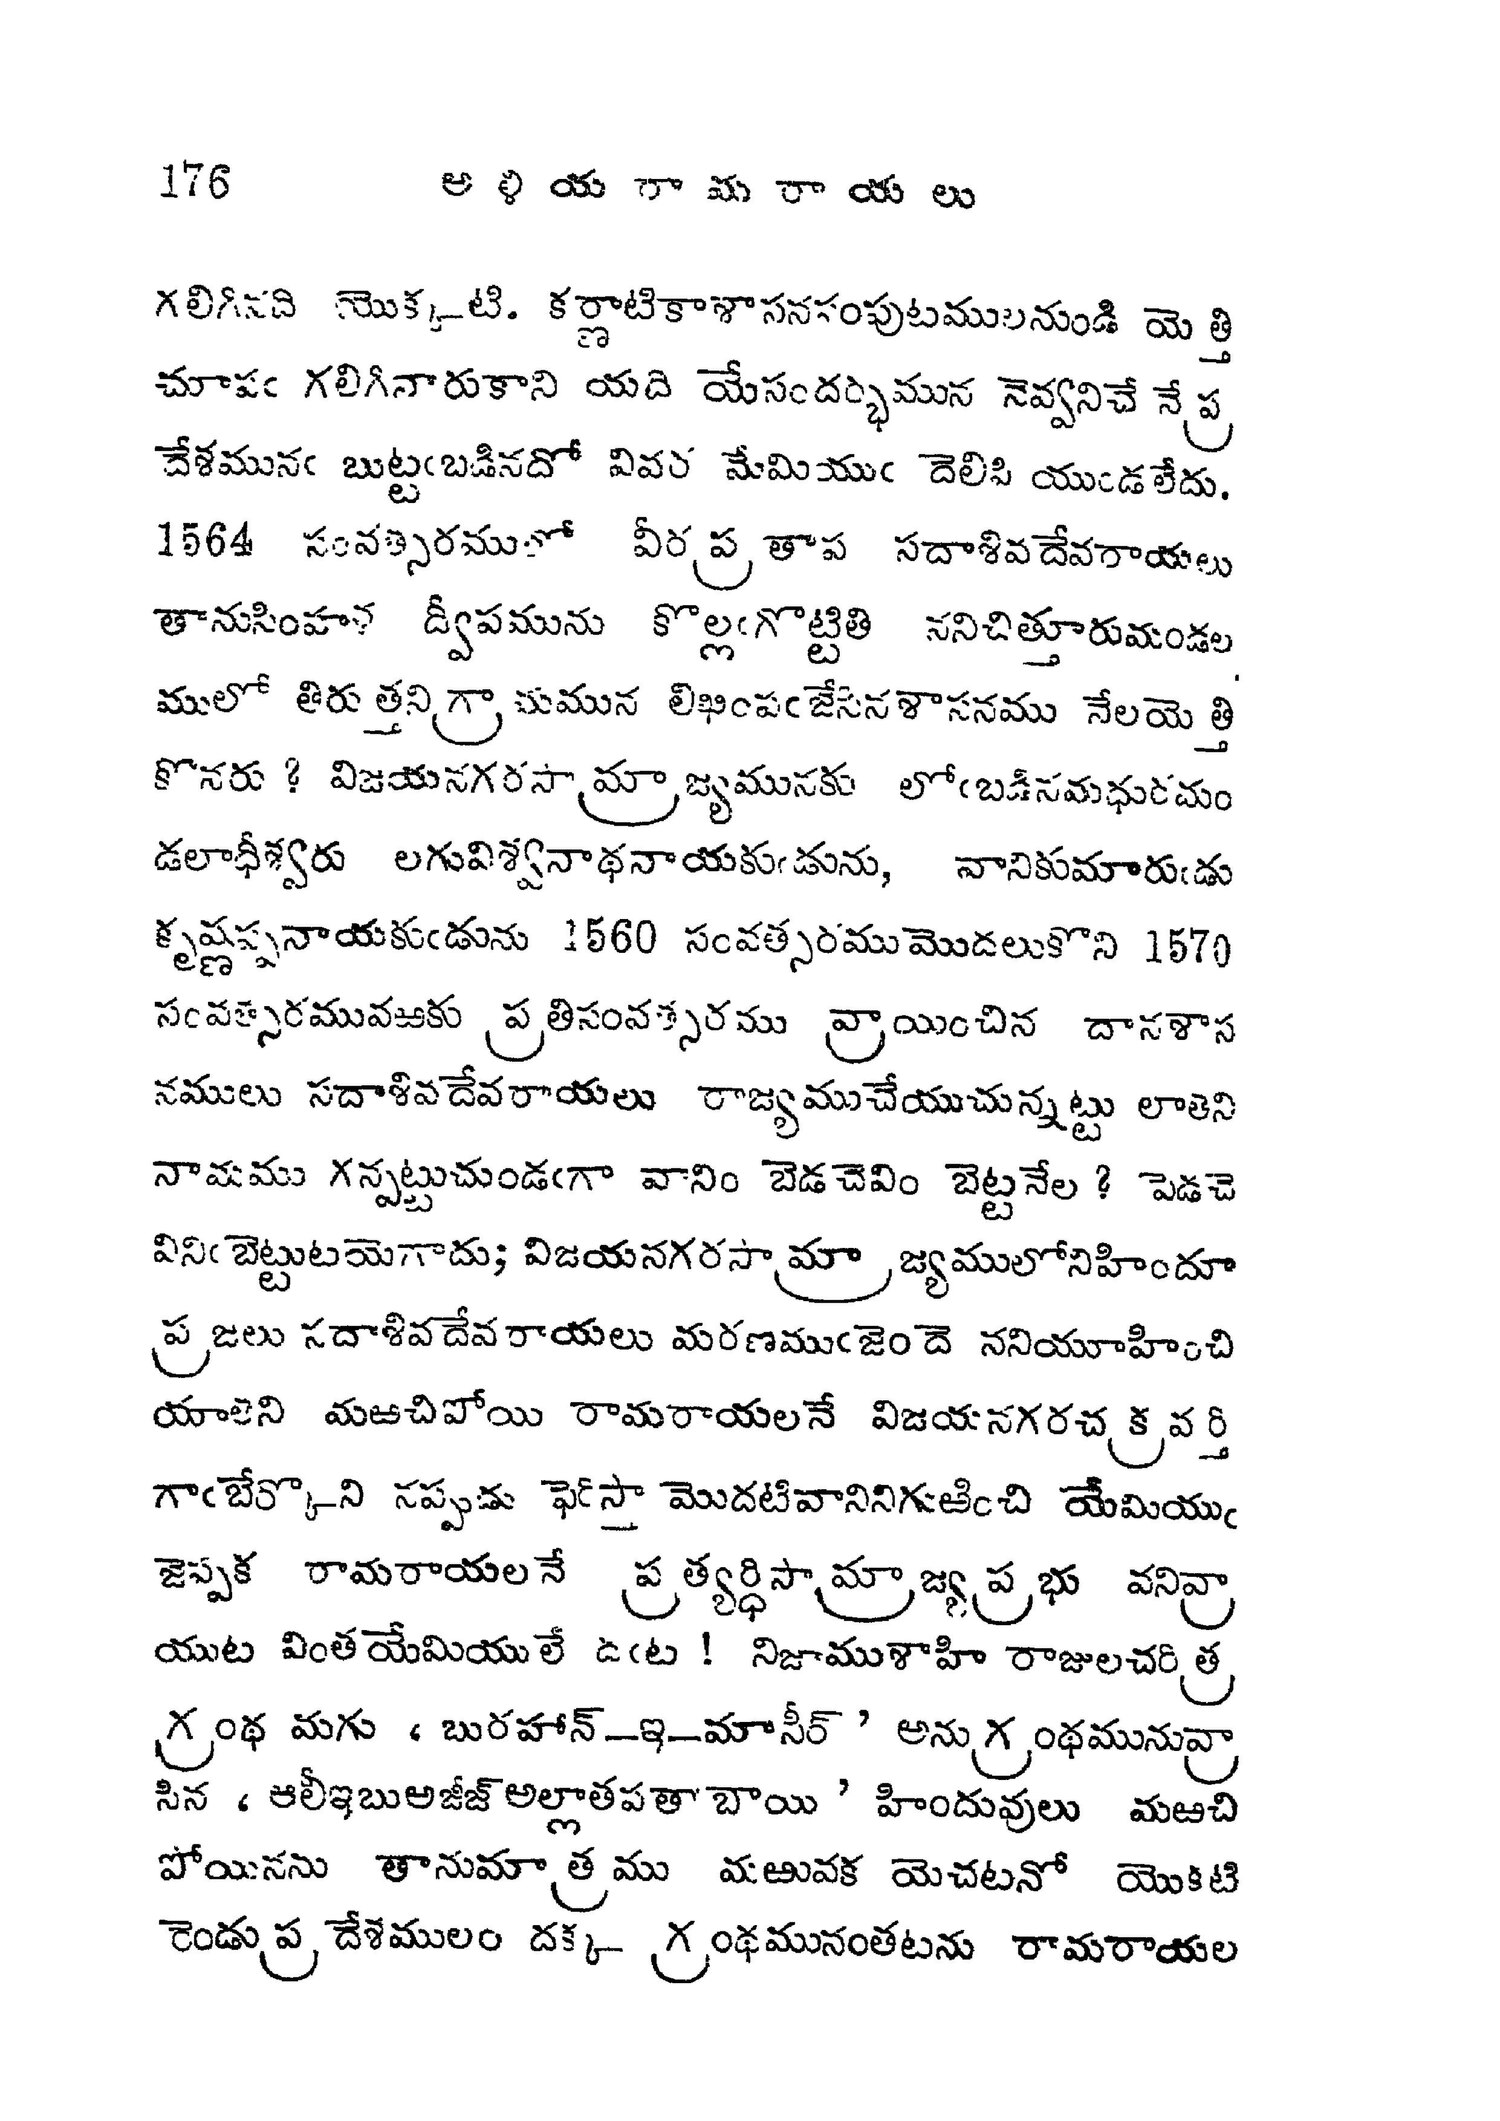గలిగినది యొక్కటి. కర్ణాటికాశాసన సంపుటములనుండి యెత్తిచూప గలిగినారుకాని యది యేసందర్భమున నెవ్వనిచే నేప్రదేశమున బుట్టబడినదో వివర మేమియు దెలిపి యుండలేదు. 1564 సంవత్సరములో వీరప్రతాప సదాశివదేవరాయలు తానుసింహళ ద్వీపమును కొల్లగొట్టితి ననిచిత్తూరుమండలములో తిరుత్తనిగ్రామమున లిఖింపజేసినశాసనము నేలయెత్తి కొనరు ? విజయనగరసామ్రాజ్యమునకు లోబడినమధురమండలాధీశ్వరు లగువిశ్వనాథనాయకుడును, వానికుమారుడు కృష్ణప్పనాయకుడును 1560 సంవత్సరము మొదలుకొని 1570 సంవత్సరమువఱకు ప్రతిసంవత్సరము వ్రాయించిన దానశాసనములు సదాశివదేవరాయలు రాజ్యముచేయుచున్నట్టు లాతని నామము గన్పట్టుచుండగా వానిం బెడచెవిం బెట్టనేల ? పెడచెవిని బెట్టుటయెగాదు; విజయనగర సామ్రాజ్యములోని హిందూప్రజలు సదాశివదేవరాయలు మరణముజెందె ననియూహించి యాతని మఱచిపోయి రామరాయలనే విజయనగరచక్రవర్తిగాబేర్కొని నప్పుడు ఫెరిస్తా మొదటివానినిగుఱించి యేమియు జెప్పక రామరాయలనే ప్రత్యర్ధిసామ్రాజ్యప్రభు వనివ్రాయుట వింతయేమియులే దట ! నిజాముశాహి రాజులచరిత్ర గ్రంథ మగు 'బురహాన్ - ఇ - మాసీర్‌' అనుగ్రంథమునువ్రాసిన 'ఆలీఇబుఅజీజ్‌అల్లాతపతాబాయి' హిందువులు మఱచిపోయినను తానుమాత్రము మఱువక యెచటనో యొకటి రెండుప్రదేశములం దక్క గ్రంథమునంతటను రామరాయల